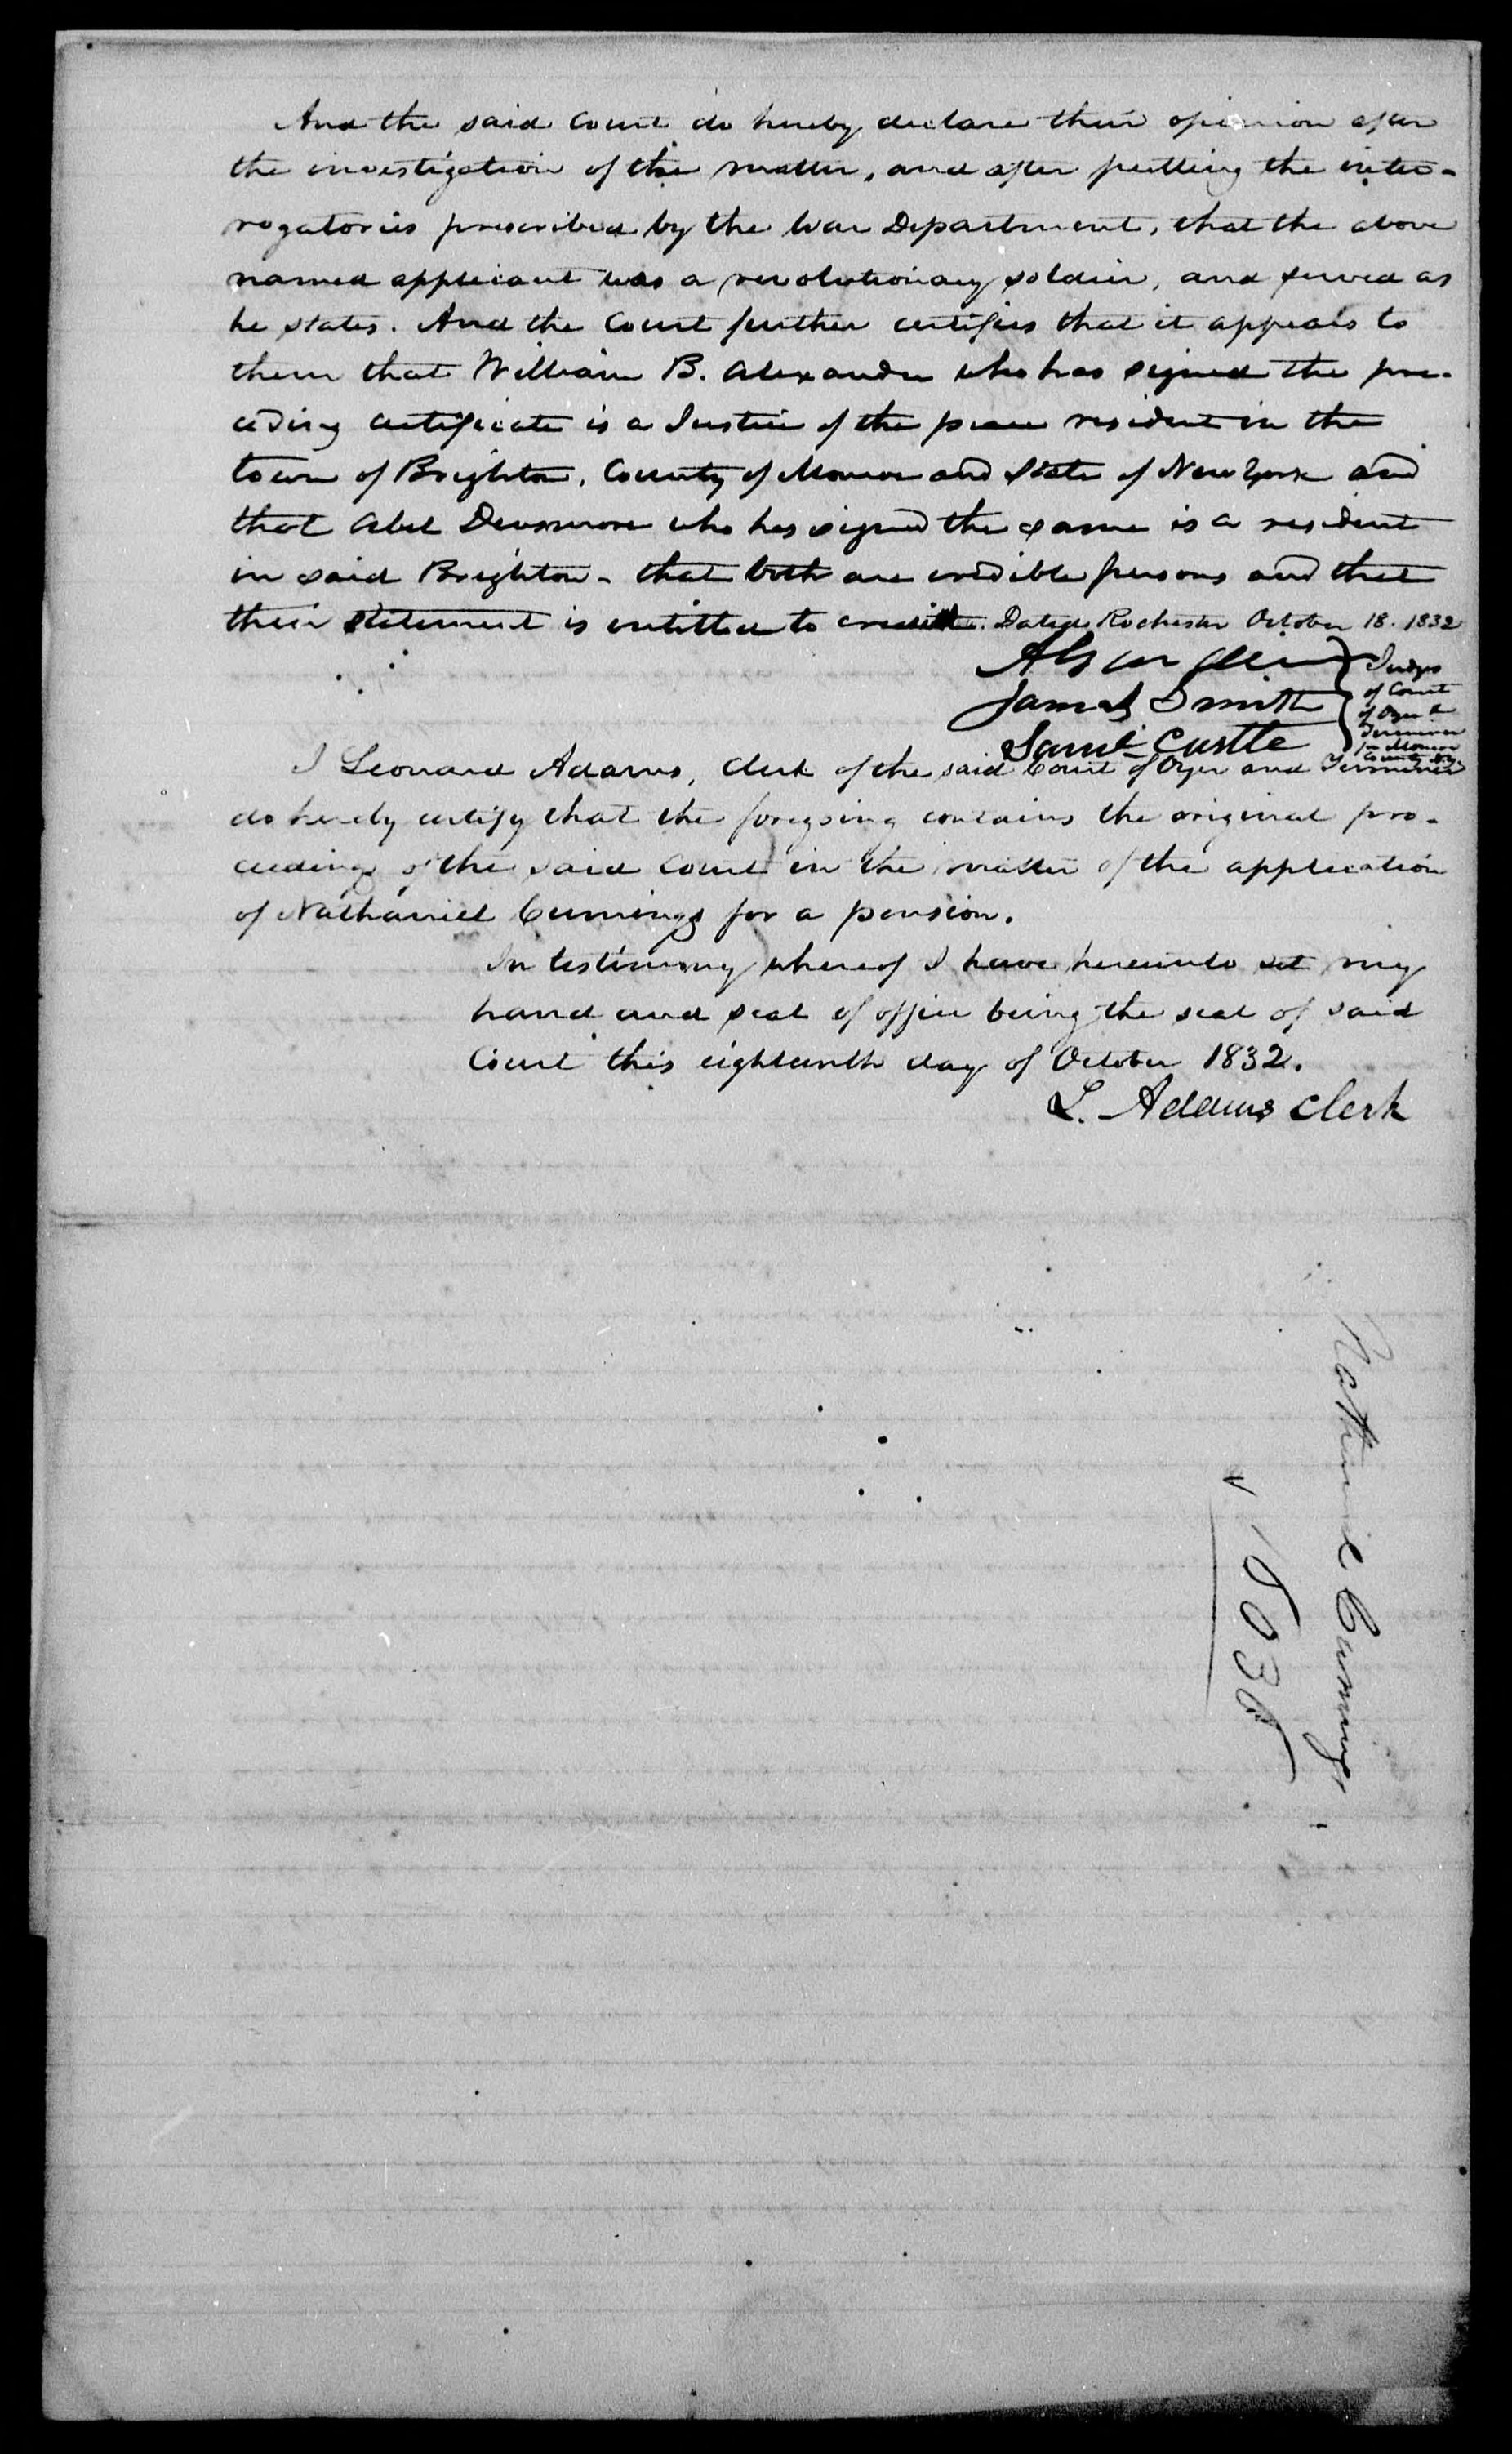And the said Court do hereby declare their opinion after
the investigation of the matter, and after putting the interrogatories 
prescribed by the War Department, that the above
named applicant was a revolutionary soldier, and served as
he states. And the Court further certifies that it appears to
them that William B. Alexander who has signed the pre
ding certificate is a Justice of the peace resided in the
town of Brighton, County of Monroe and State of New York and
that Abel Dinsmore who has signed the same is a resident
in said Brighton, that both are credible persons and the
their statement is entitled to credit. Dated Rochester October 18, 1832
A Gardiner
James Smith  Judges of the court of Oyez and Terminus for Monroe Cty NH
Sam'l Castle
James Smith
I Leonard Adams, Clerk of the said Court of Oyez and terminus
do hereby certify that the foregoing contains the original 
proceedings of the said Court in the matter of the application
of Nathaniel Cumings for a pension
In testimony whereof I have hereunto set my
hand and seal of office being the seal of said
Court this eighteenth day of October 1832.
Adams Clerk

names: Abel Densmore, A Gardiner, Saml Castle, Nathaniel Cumings, Nathaniel Cumings, James Smith, William B Alexander, Leonard Adams, L Adams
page: 8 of 41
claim: widow's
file: W. 9819, Nathaniel Cumings, Vt.